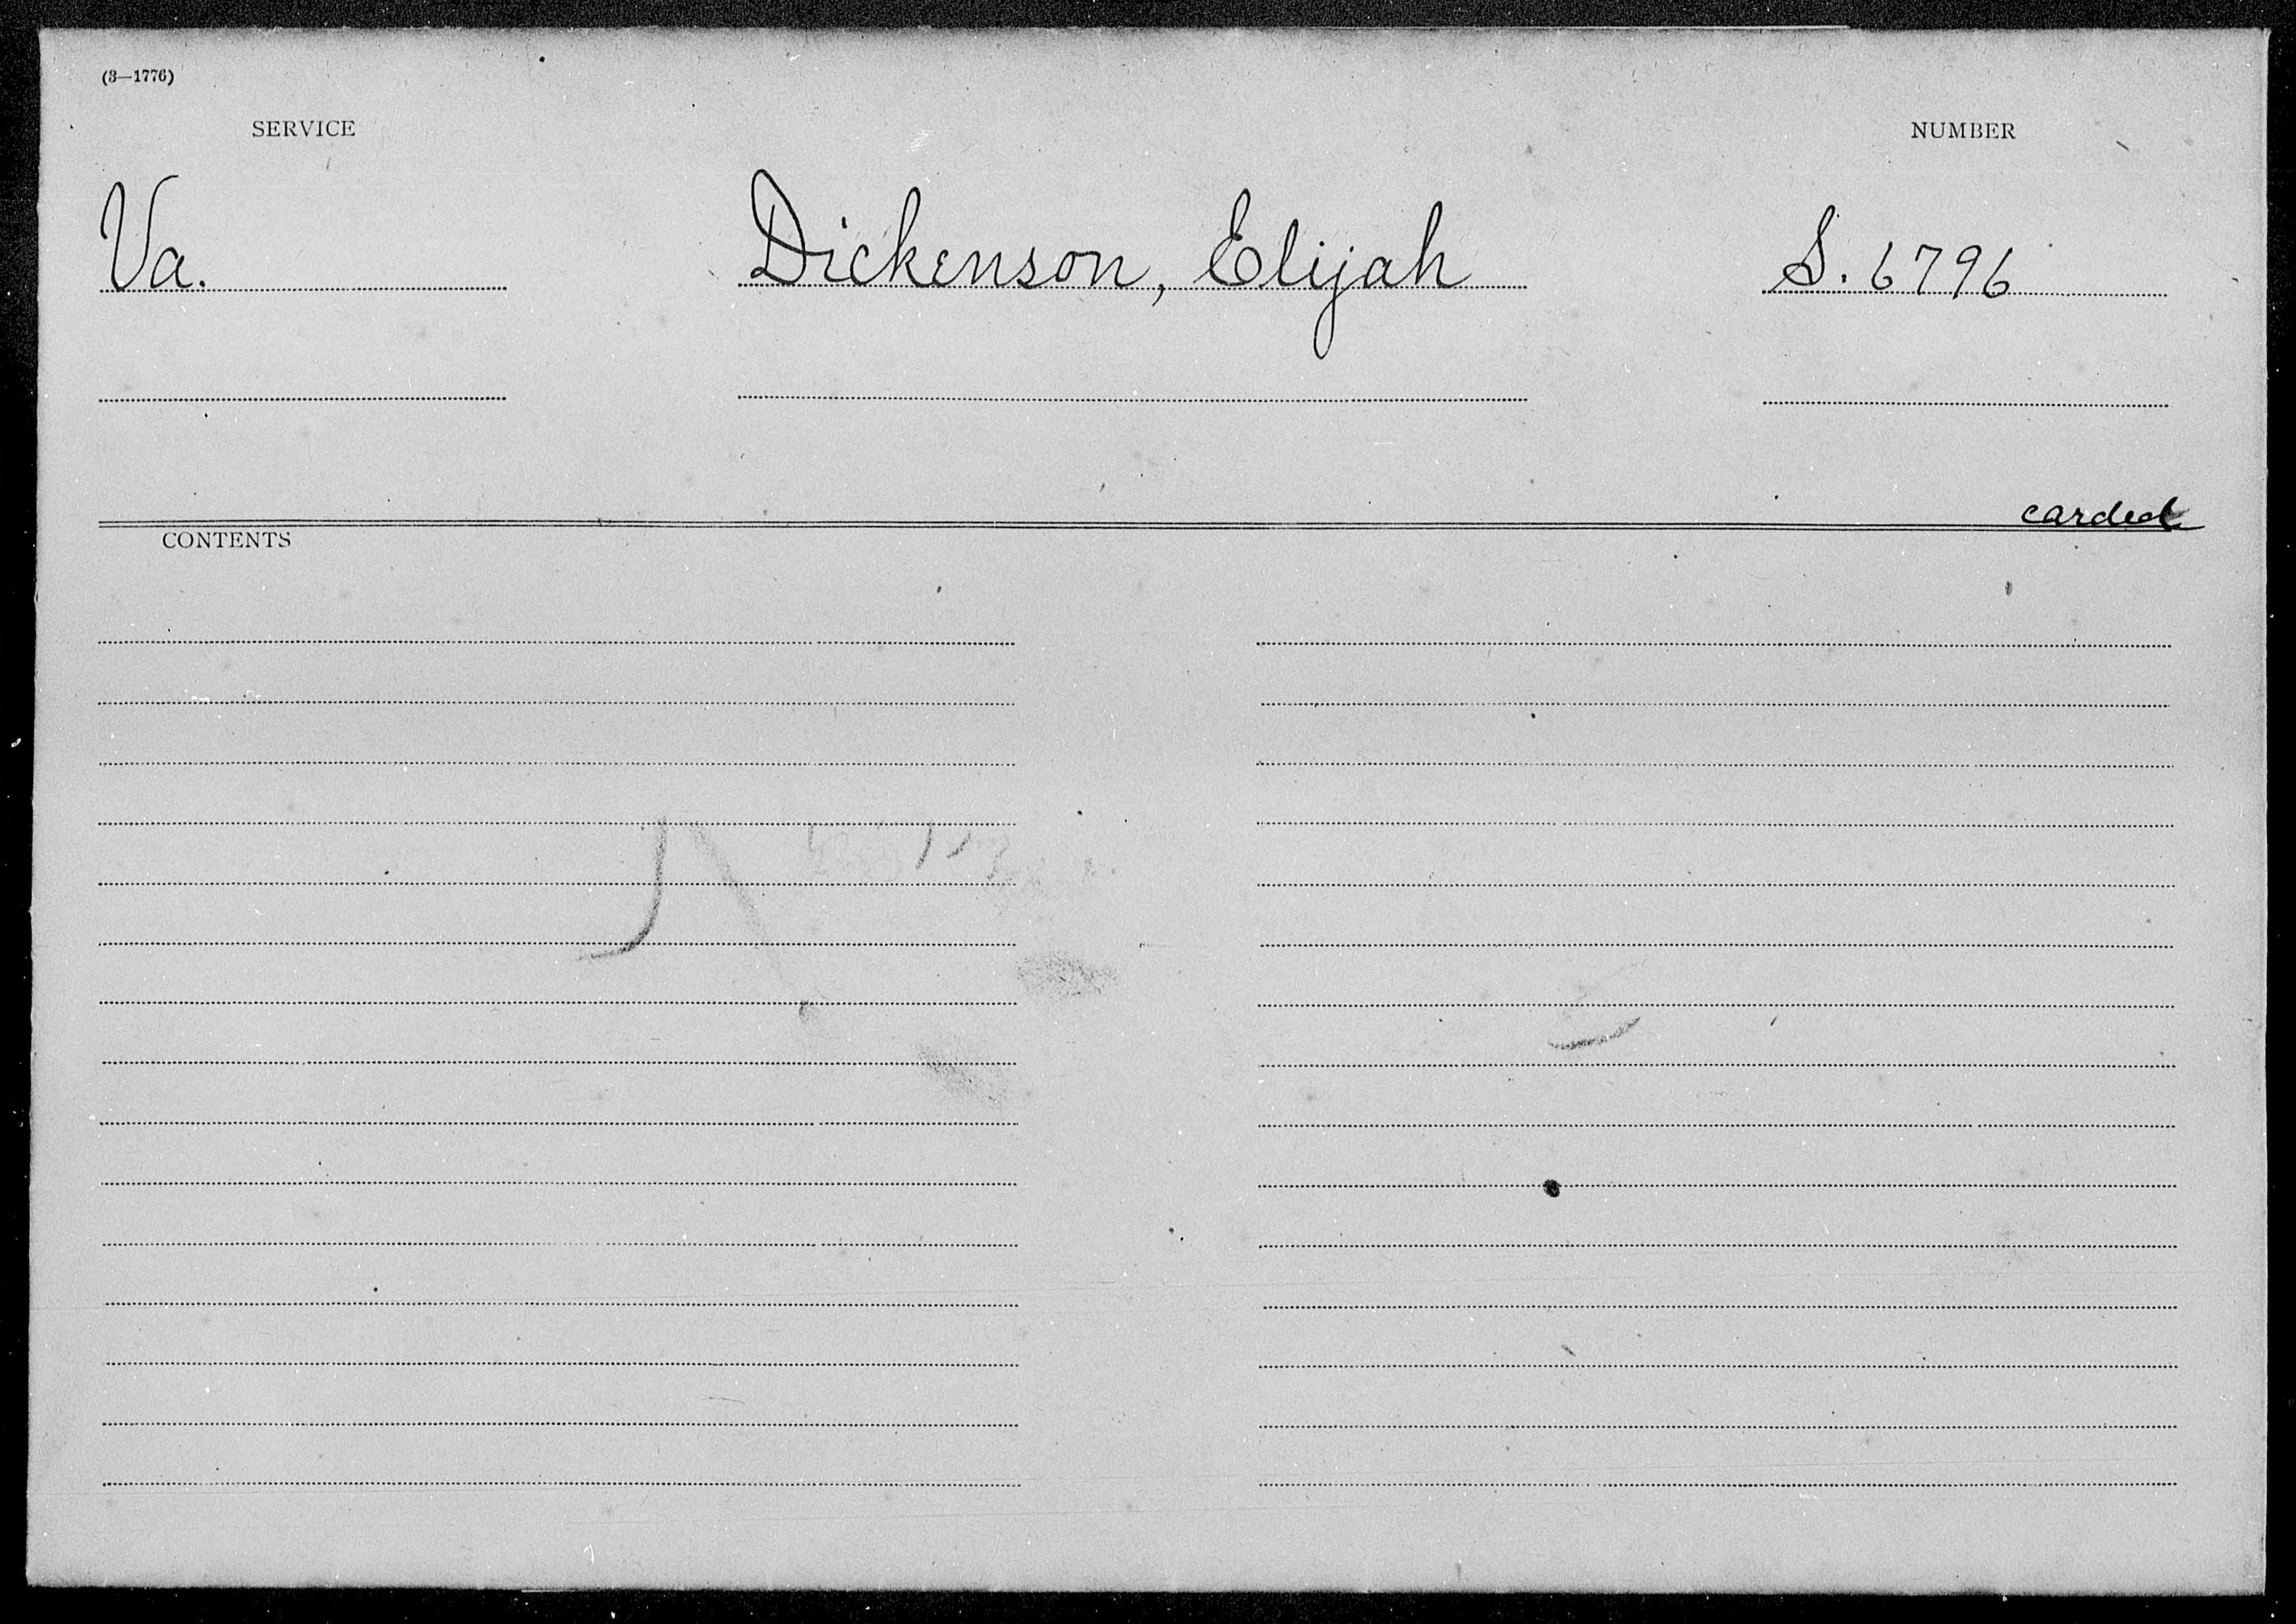(3-1776)
SERVICE: Va.
Dickenson, Elijah
NUMBER: S. 6796
carded
CONTENTS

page: 1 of 12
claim: survivor's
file: S. 6796, Elijah Dickenson, Va.